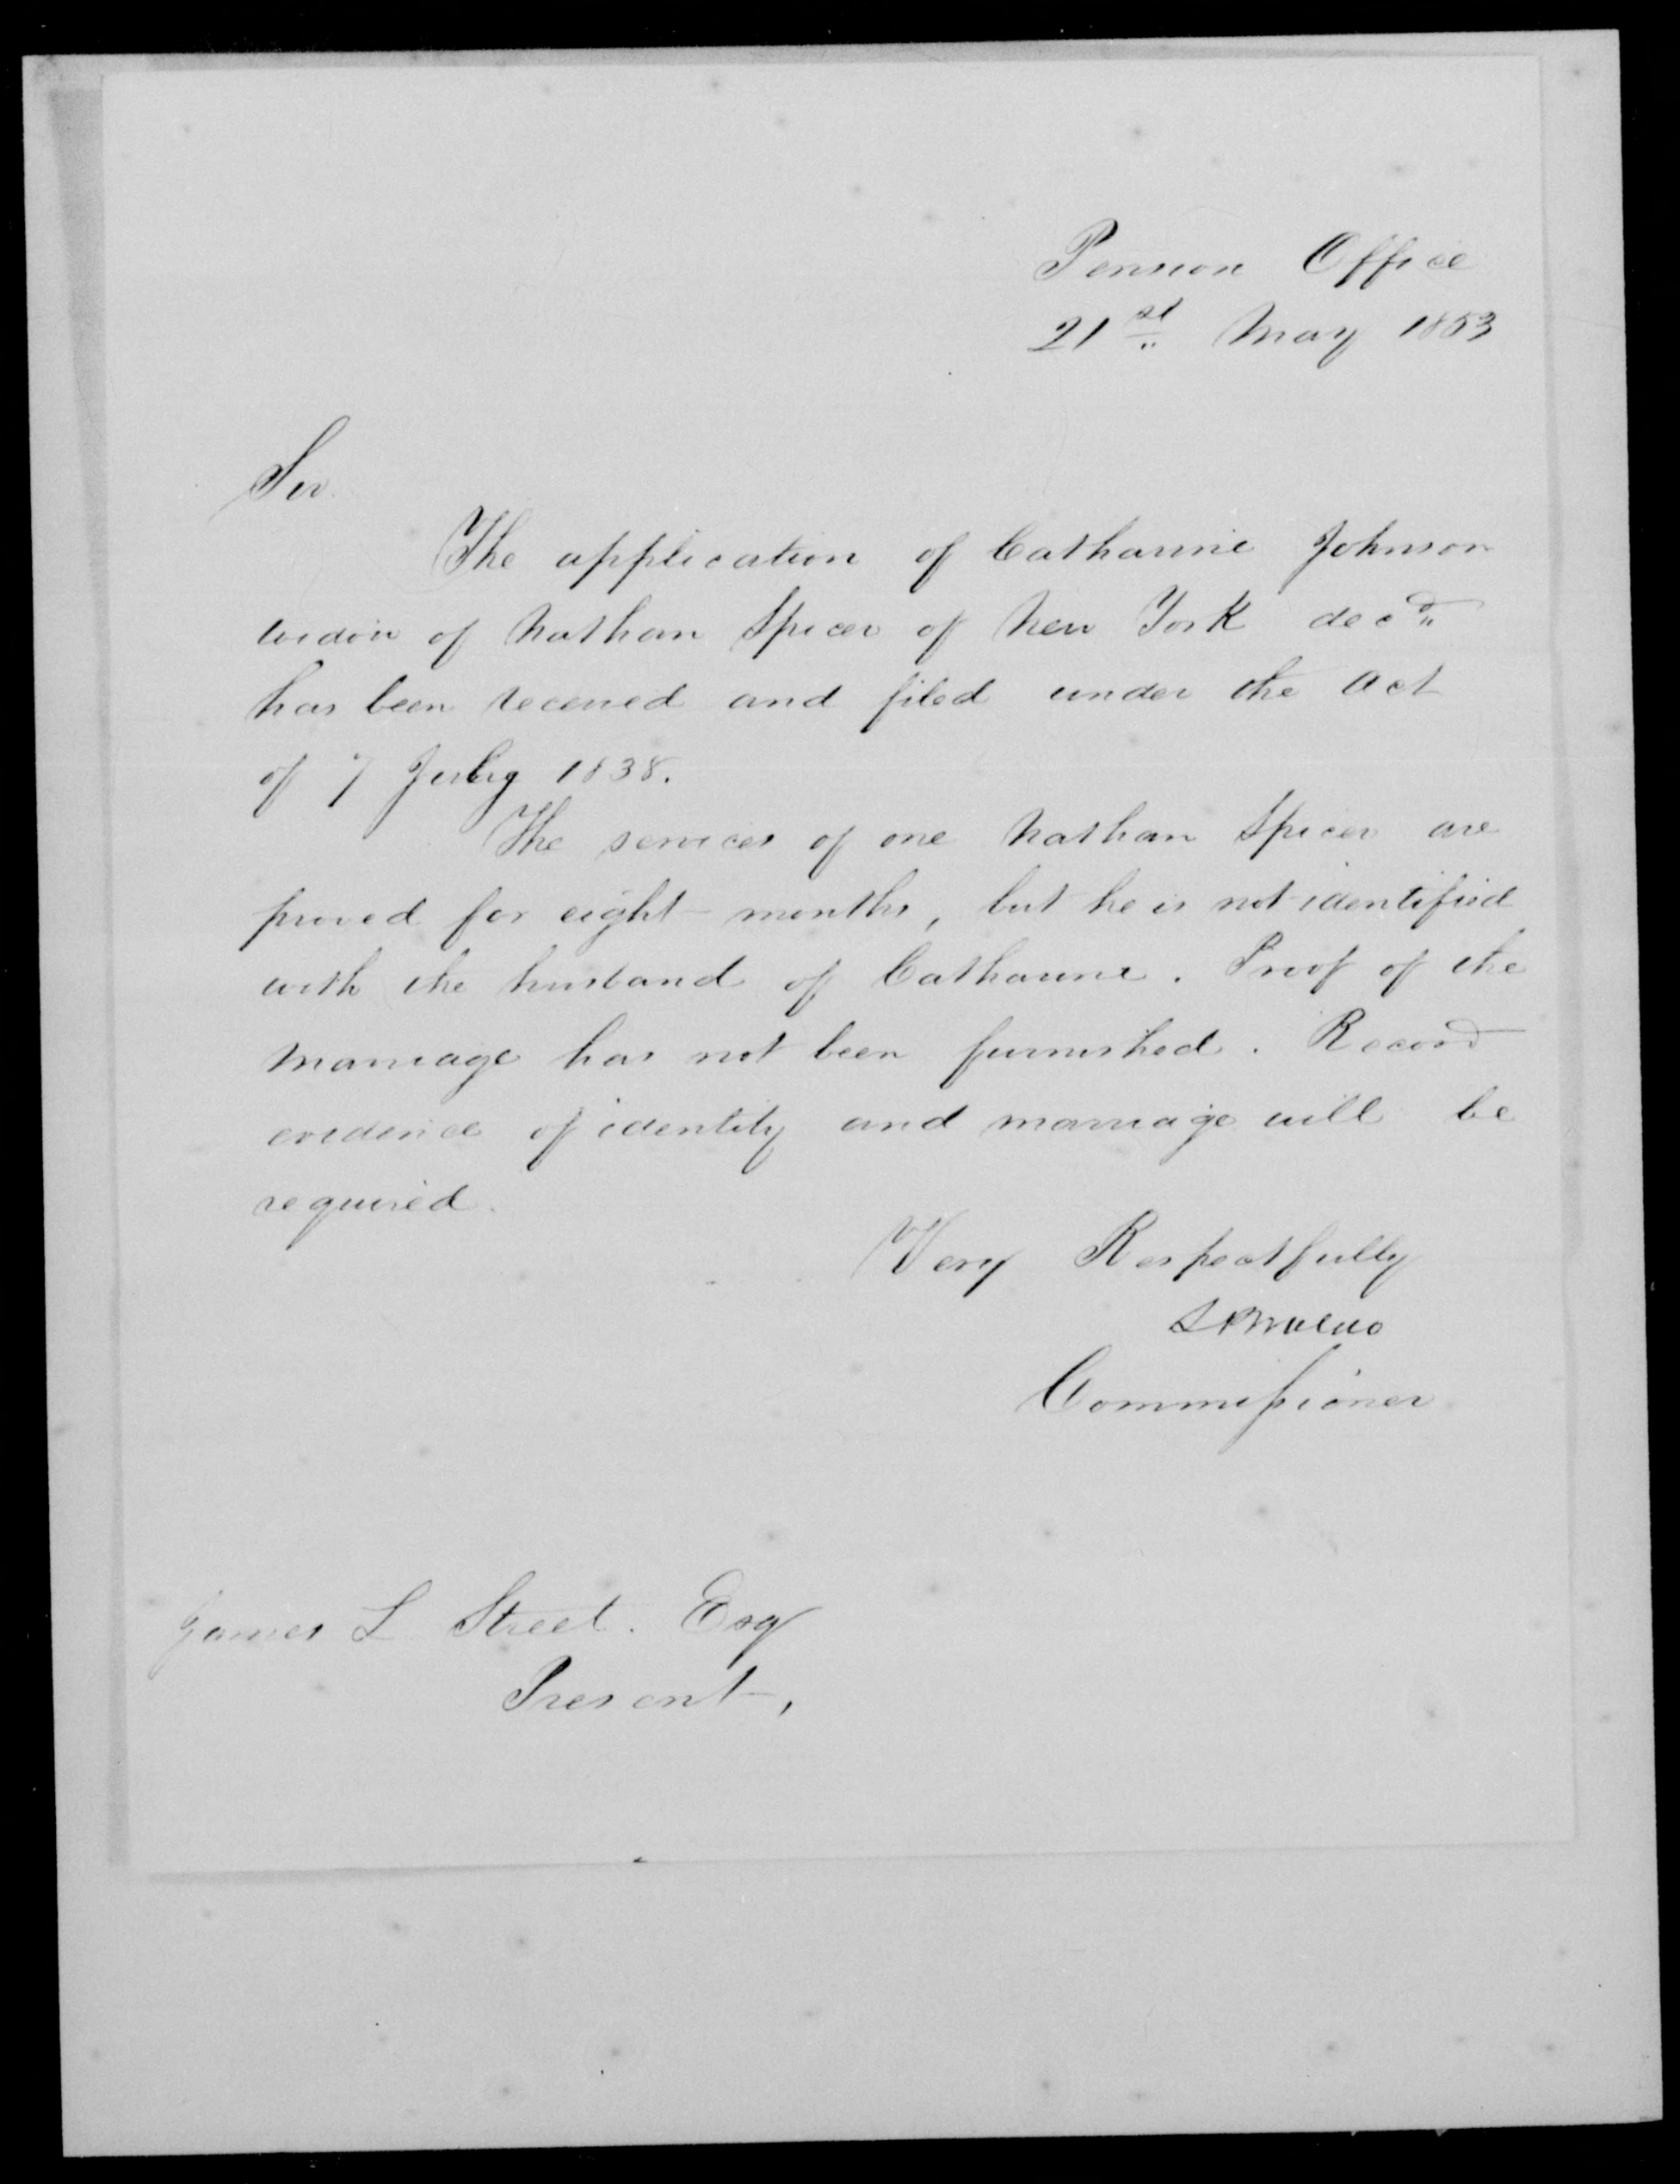Pension Office
21st may 1853

Sir
The application of Catherine Johnson widow of Nathan Spicer of New York decd. has been received and filed under the act of 7 July 1838.
The services of one Nathan Spicer are proved for eight months, but he is not identified with the husband of Catherine. Proof of the marriage has not been furnished. Record evidence of identity and marriage will be required.
Very Respectfully
SP Waldo
Commissioner

James L. Street. Esq
Present,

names: Catharine [BLANK]; Nathan Spicer; Nathan Spicer; L P Waldo; James L Street; Catharine Johnson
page: 28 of 33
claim: rejected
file: R. 5603, for Nathan Spicer, New York